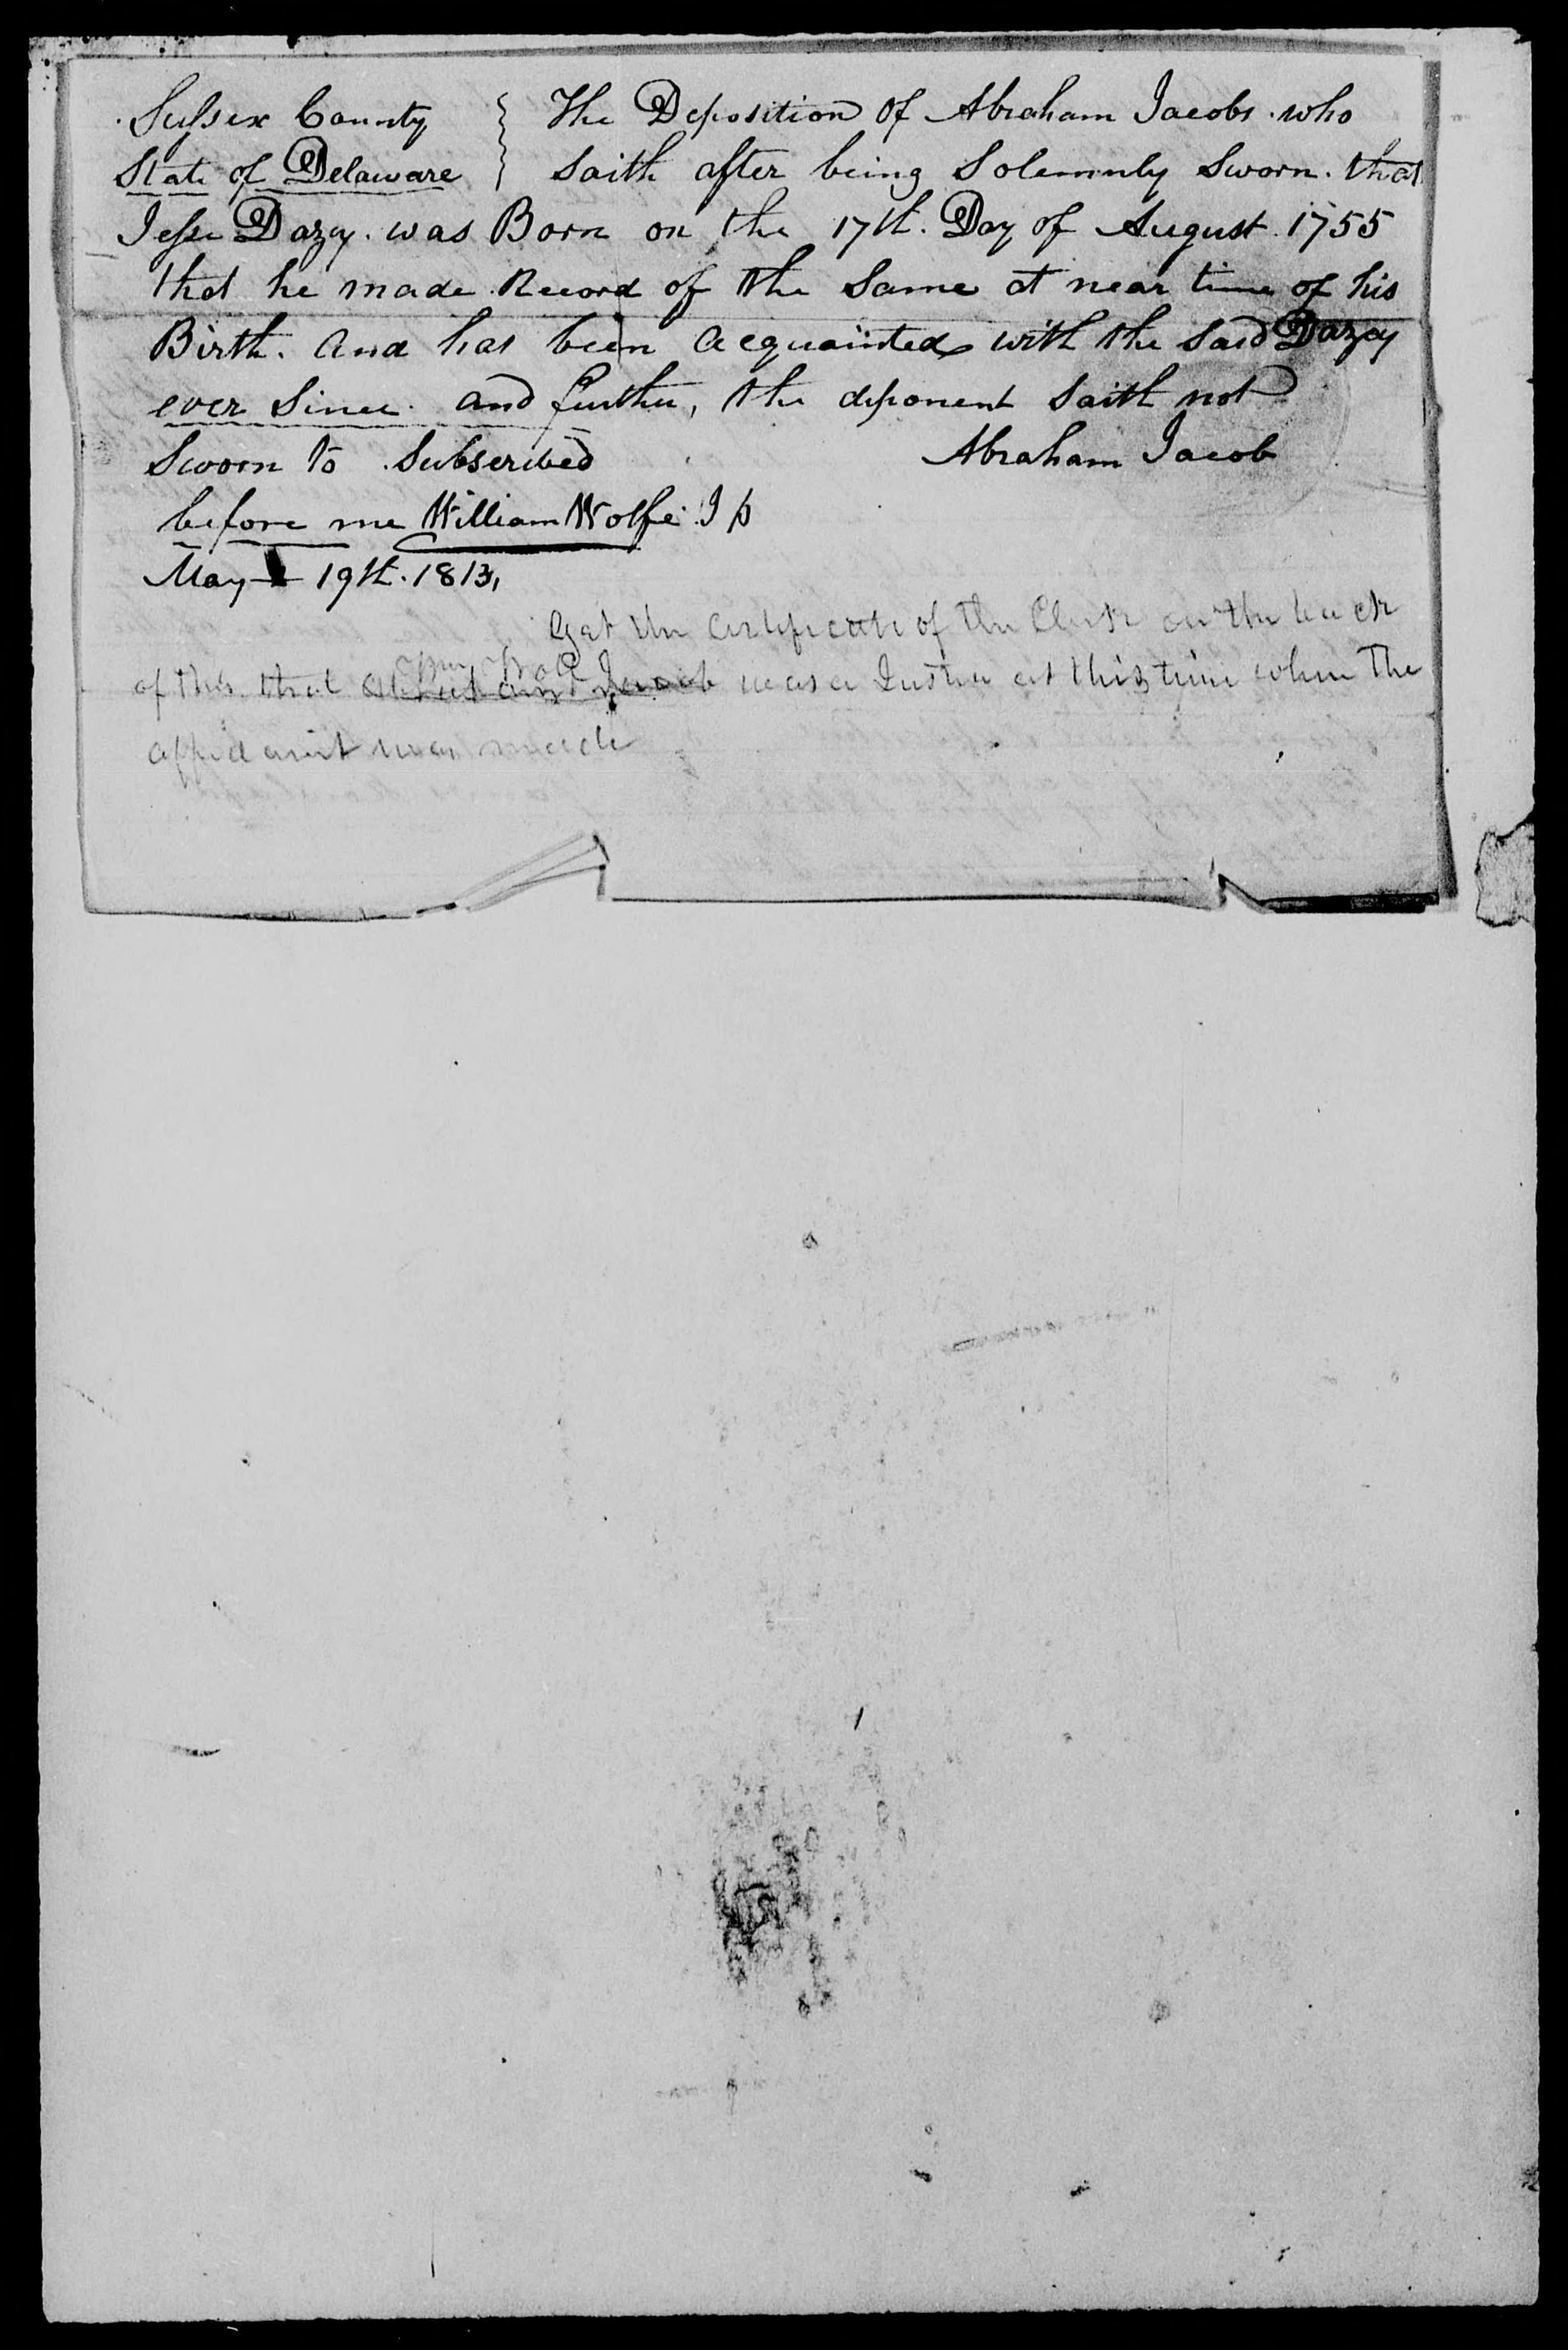Sussex County
State of Delaware
The Deposition of Abraham Jacobs who Saith after being Solemnly Sworn that Jesse Dazy was Born on the 17th Day of August 1755 that he made Record of the Same at near time of his Birth. And has been acquainted with the said Dazey ever Since. And further, the deponent Saith now Sworn is Subscribed before me William Wolfe 
May 19th, 1813,
Abraham Jacob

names: William Wolfe, Dazey, Abraham Jacob, Jesse Dazey, Abraham Jacobs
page: 17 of 32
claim: rejected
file: R. 2795, Jesse Dazey, Del.